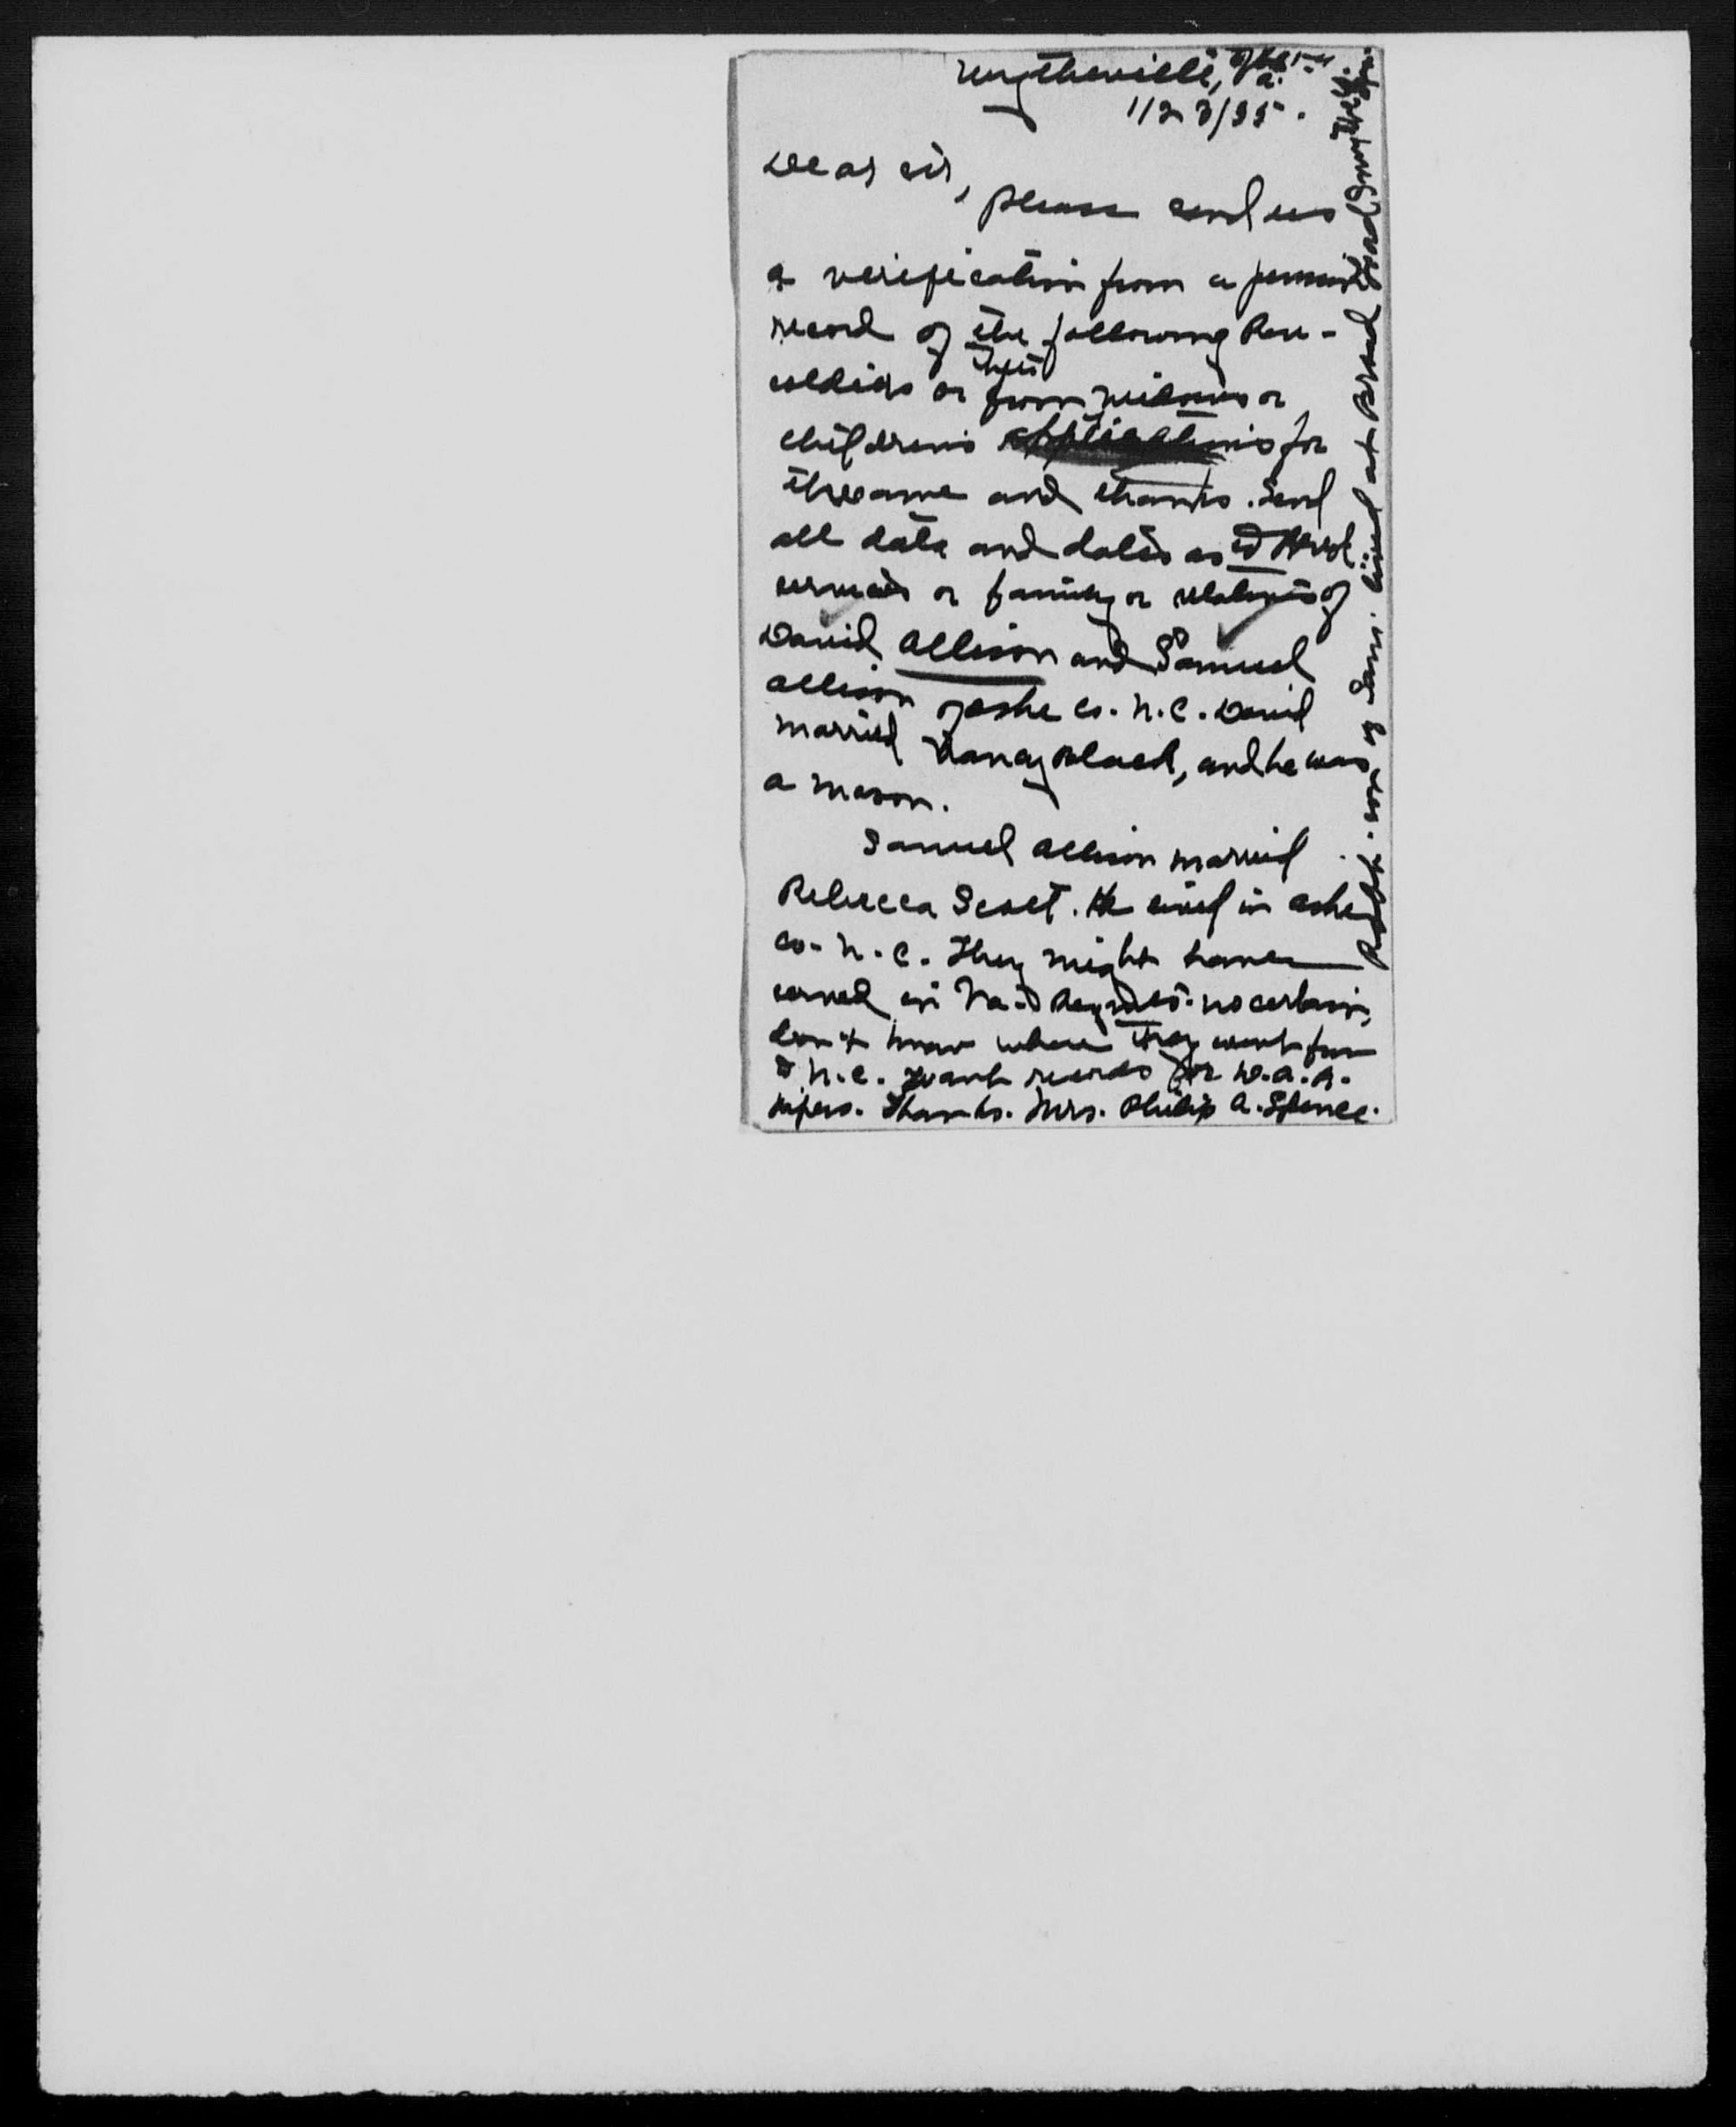Wythevile, VA 
1/23/35

Dear Sir,
Please send us a verification from a pension record of the following Rev soldiers or from widows or children's applications for the same and thanks.  Send all dates and dates as is [illegible] on family or relation of David Allison and Samuel Allison of Ashe Co. N. C.  David married Nancy Black, and he was a mason.
Samuel Allison married Rebecca Scott. He lived in Ashe Co. N.C.  They might [illegible] in VA.  [illegible], not certain, don't know where they went from N.C.  Thanks.  Want records for DAR papers.  Thanks, Mrs. Philip A Spence.

Robert, son of Samuel, lived at Brand Ford. I may be [illegible].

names: Philip A Spence, David Allison, Samuel Allison, Rebecca Scott, Samuel Allison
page: 13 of 33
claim: rejected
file: R. 155, David Allison, N.C.